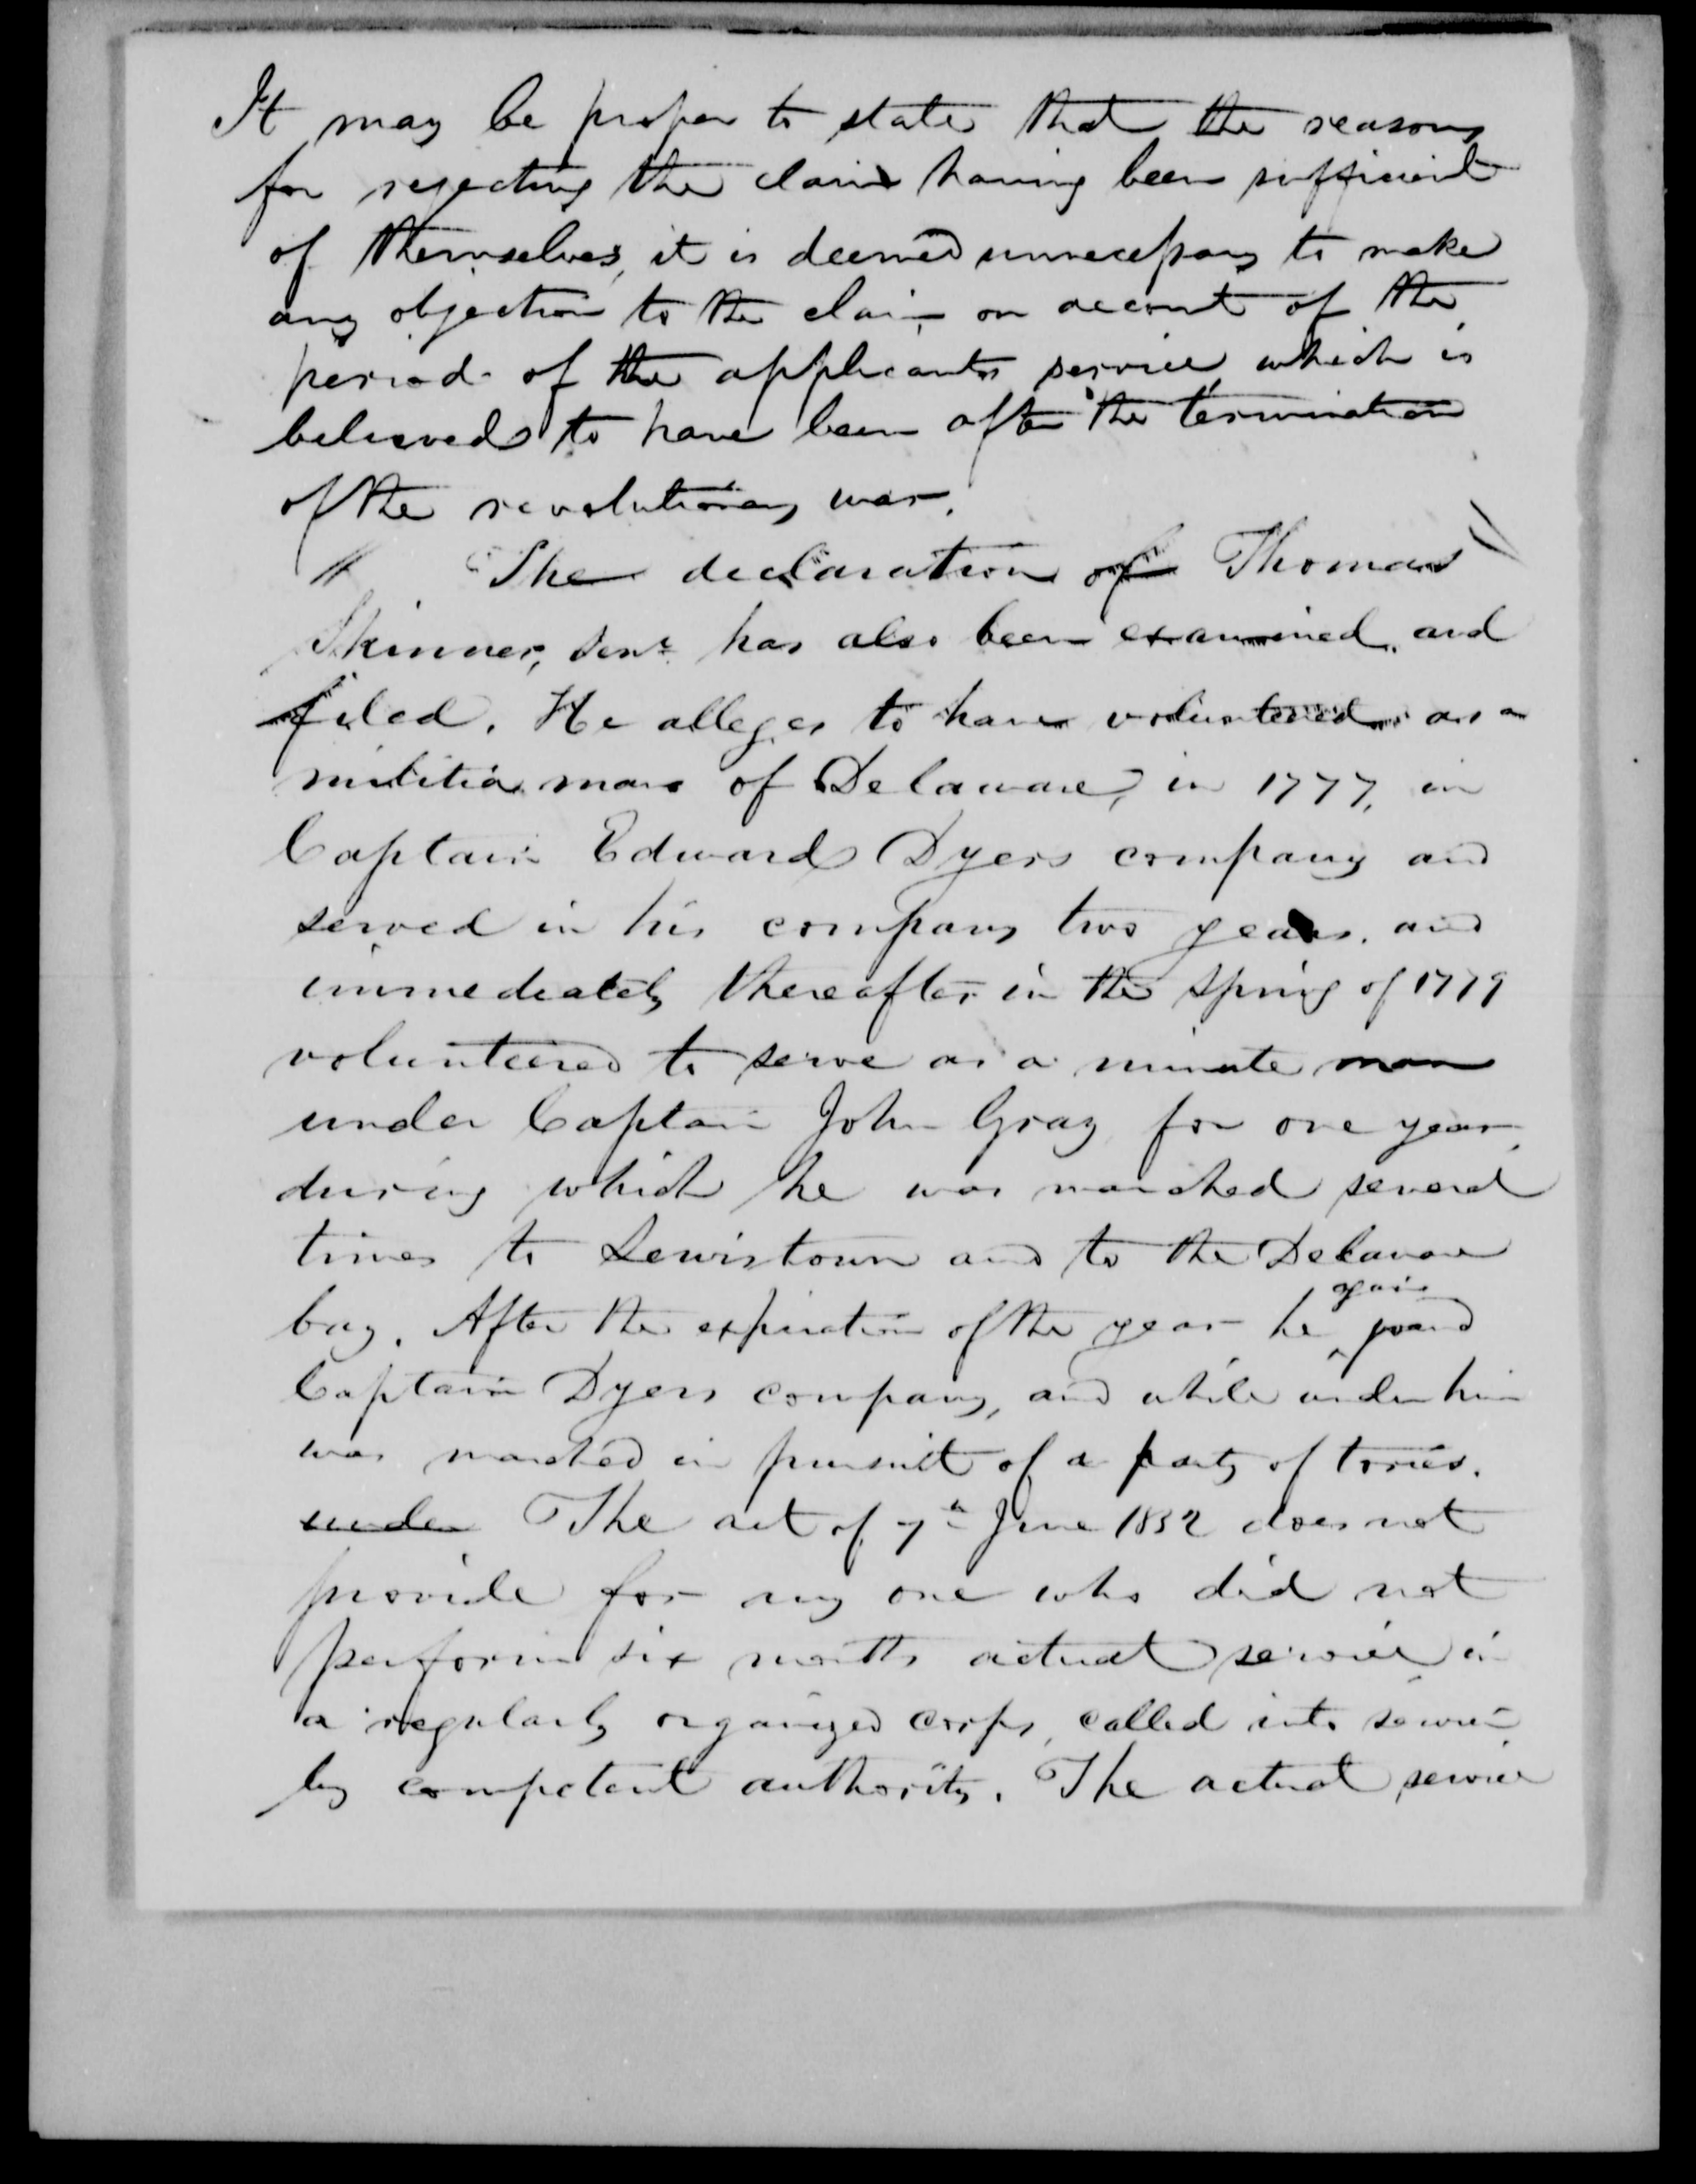It may be proper to state that the reason
for rejecting the claim having been sufficient
of themselves, it is deemed unnecessary to make any objection to the claim on account of the period of the applicant service which is
believed to have been after the termination
of the revolutionary war.

The declaration of Thomas
Skinner Senr. has also been examined and
filed. He alleges to have volunteered as a militia man of Delaware, in 1777, in Captain Edward Dyers Company and served in his company two years and immediately thereafter in the spring of 1779 volunteered to serve as a minute man under Captain John Gray for one year during which he was marched several times to Lewistown and to the Delaware bay. After the expiration of the year he again found Captain Dyers Company, and while under him was marched in pursuit of a party of tories. The act of 7th June 1832 does not provide for any one who did not
perform six months actual service in a regularly organized corps, called into service
by competent authority. The actual service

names: Thomas Skinner; John Gray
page: 21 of 33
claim: rejected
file: R. 9635, for Thomas Skinner, Delaware